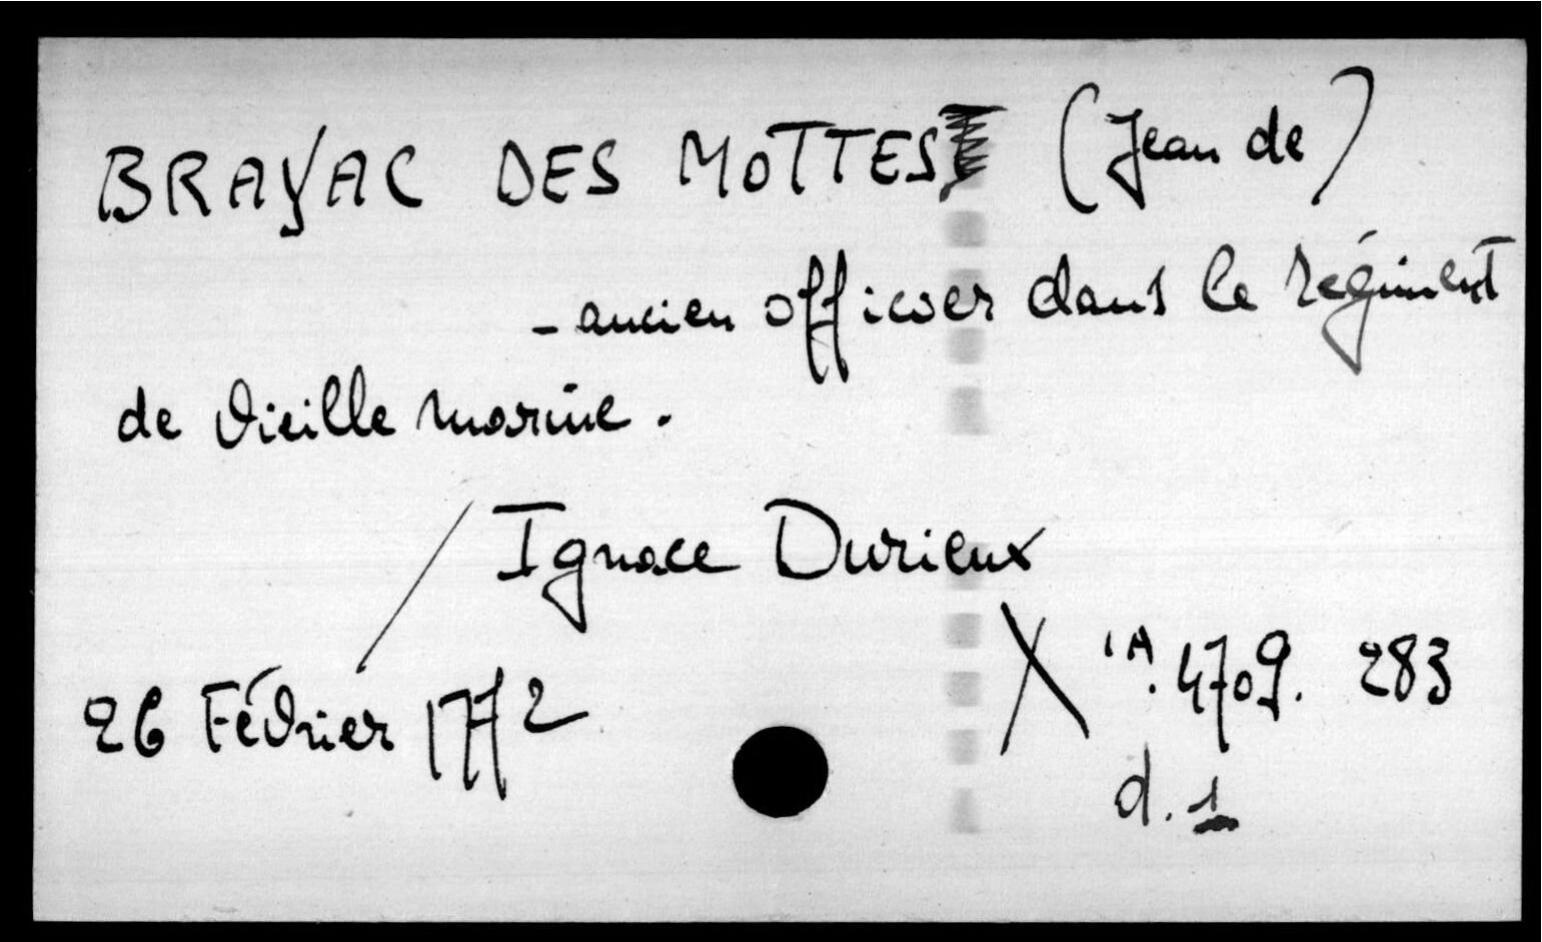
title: BRAYAC DES MOTTES (Jean de) - Ancien officier dans le régiment de Vieille marine
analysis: Contre Ignace Durieux
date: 26 février 1772
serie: X1A
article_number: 4709
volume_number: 283
